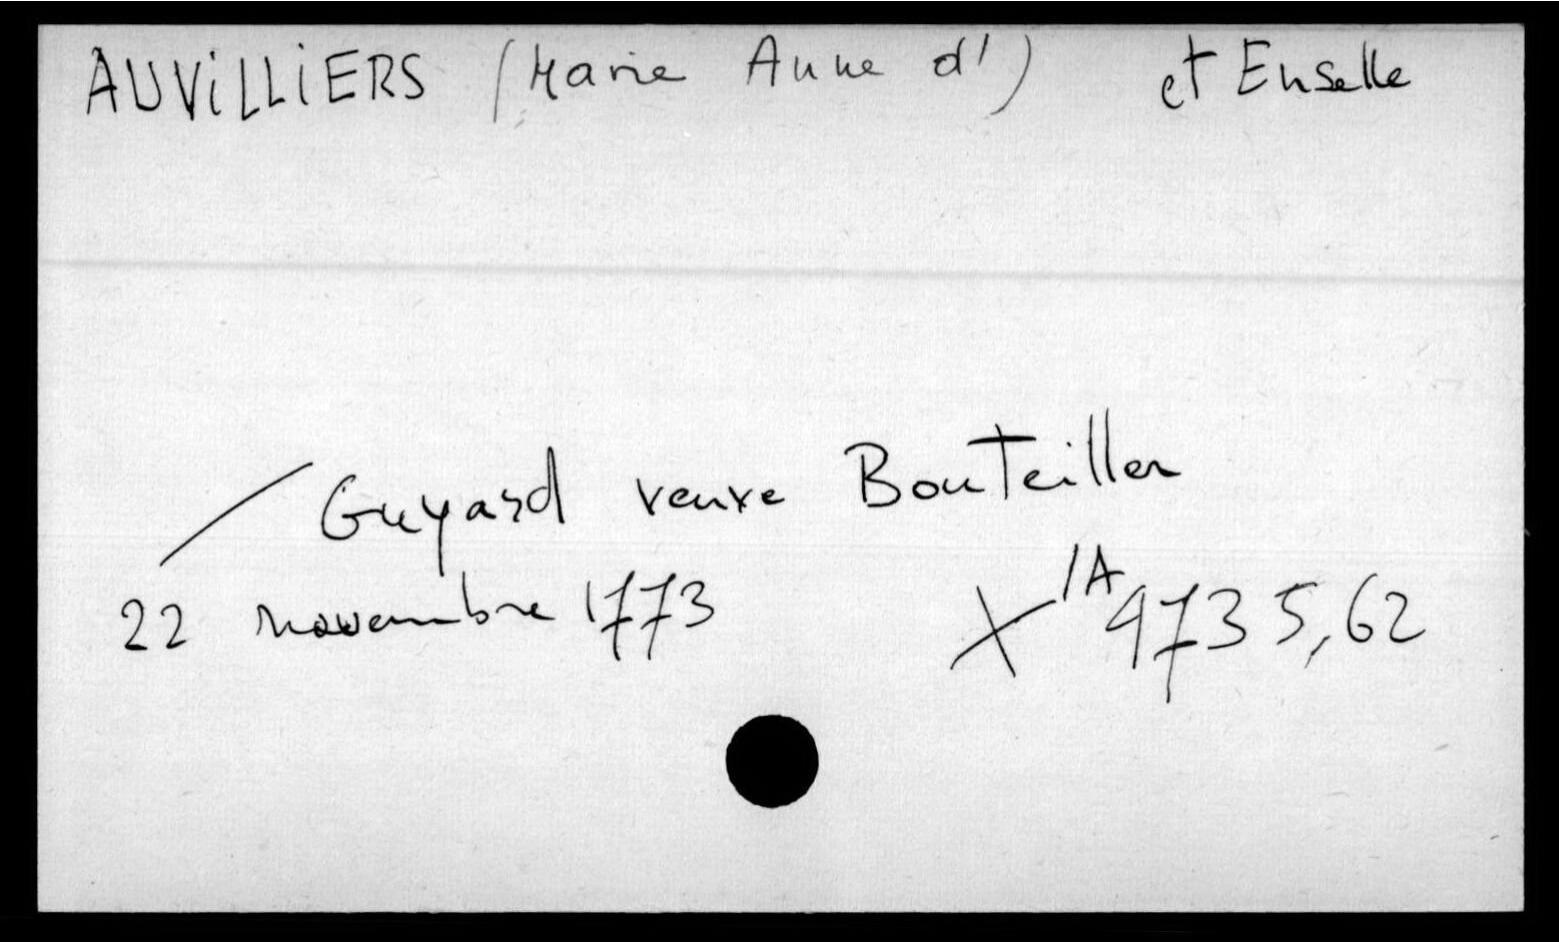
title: AUVILLIERS (Marie Anne d') et Enselle
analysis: Contre Guyard veuve Bouteiller
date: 22 novembre 1773
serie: X1A
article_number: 4735
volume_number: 62
